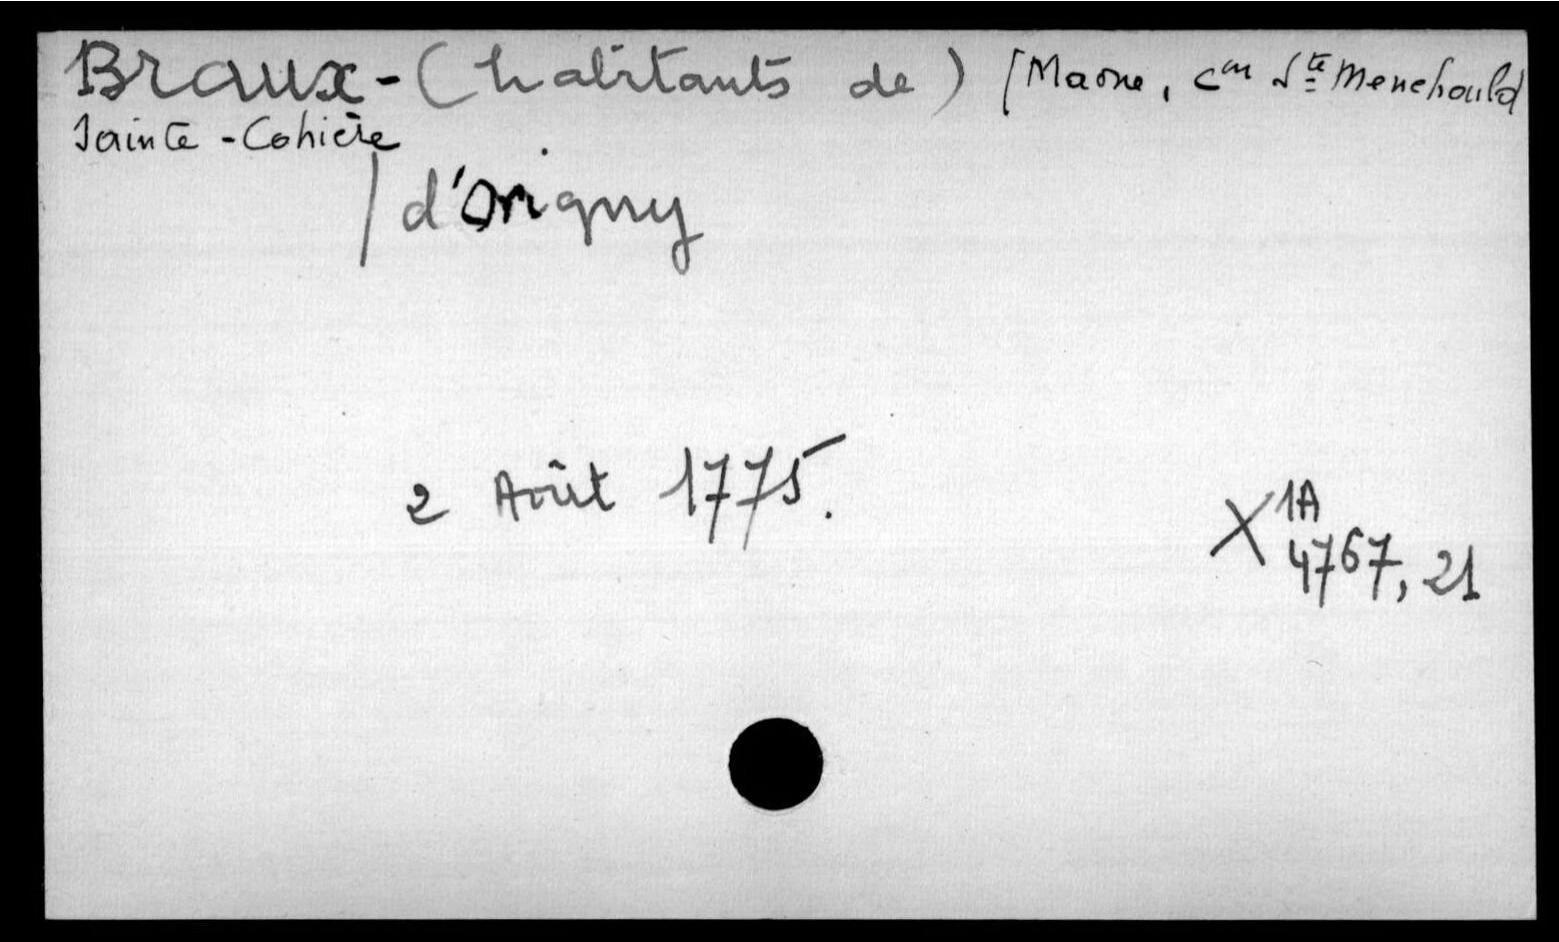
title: BRAUX-Sainte-Cohière (habitants de) [Marne, canton Sainte-Menehould]
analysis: Contre d'Origny
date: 2 août 1775
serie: X1A
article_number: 4767
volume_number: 21
